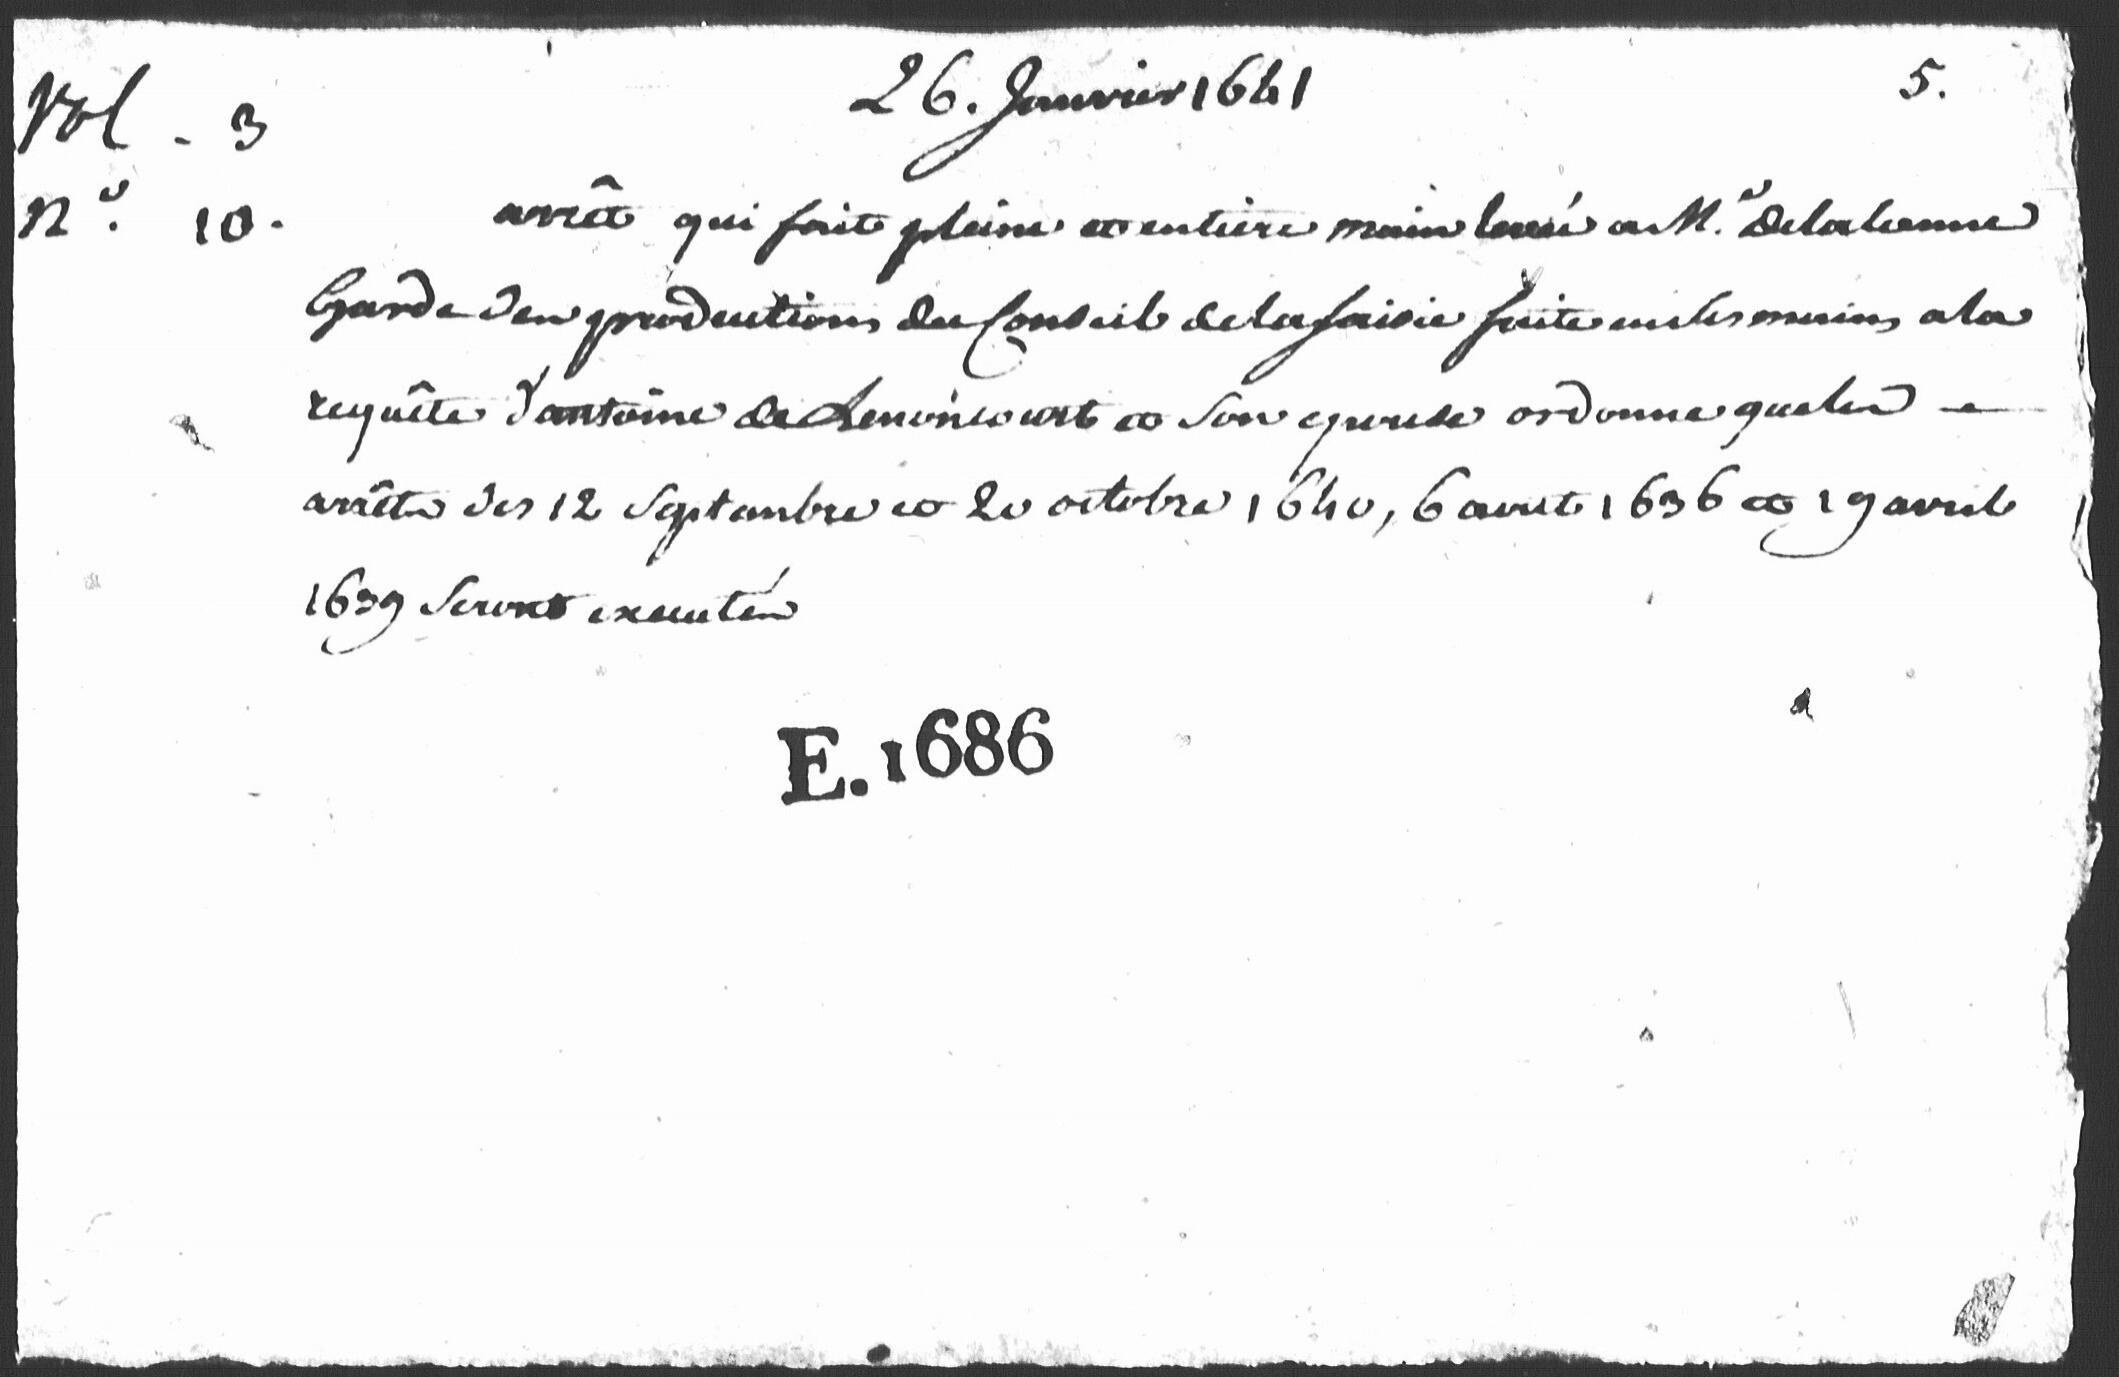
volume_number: n°10
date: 26 janvier 1641
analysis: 5.
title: arrêt qui fait pleine et entiere main levée a M.e Delalanne Garde des productions du Conseil de la saisie faite en ses mains a la requête d'antoine de Lenoncourt et son epouse ordonne que les arrêts des 12 septembre et 20 octobre 1640, 6 aout 1636 et 19 avril 1639 seront executés
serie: E
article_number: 1686
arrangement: vol. 3
